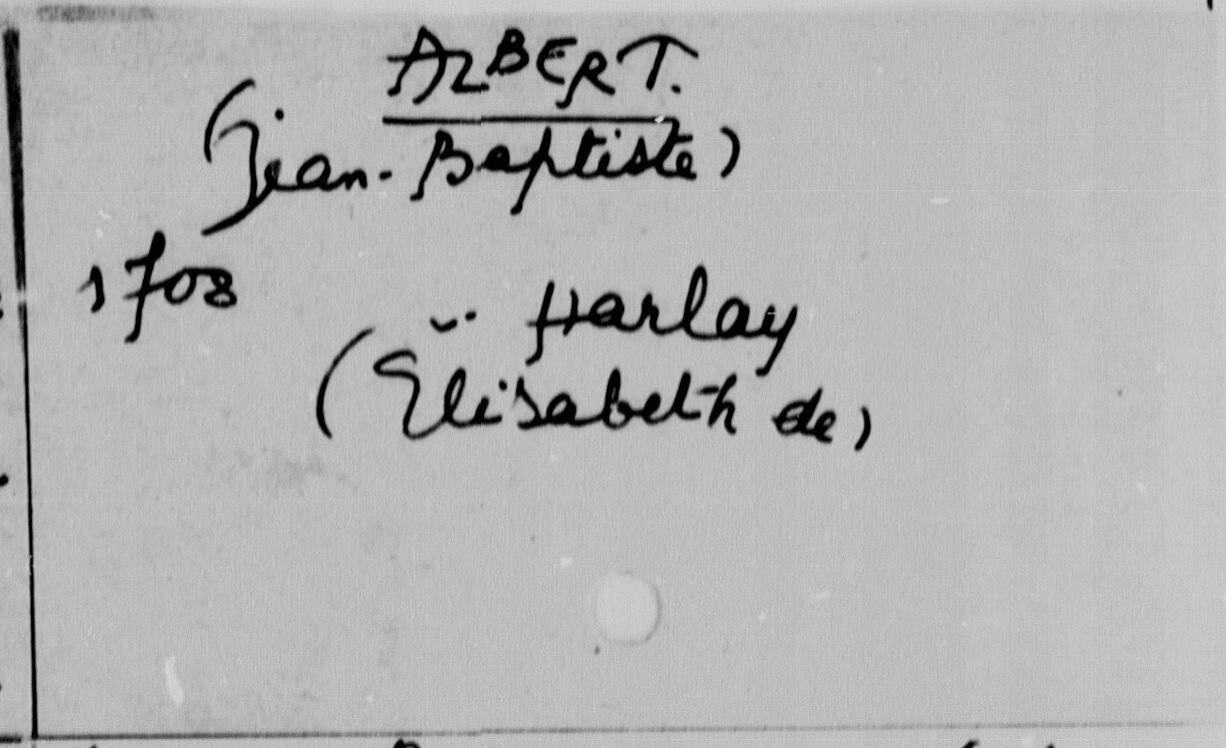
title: ALBERT (Jean-Baptiste)
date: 1708
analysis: Voir HARLAY (Élisabeth de)
